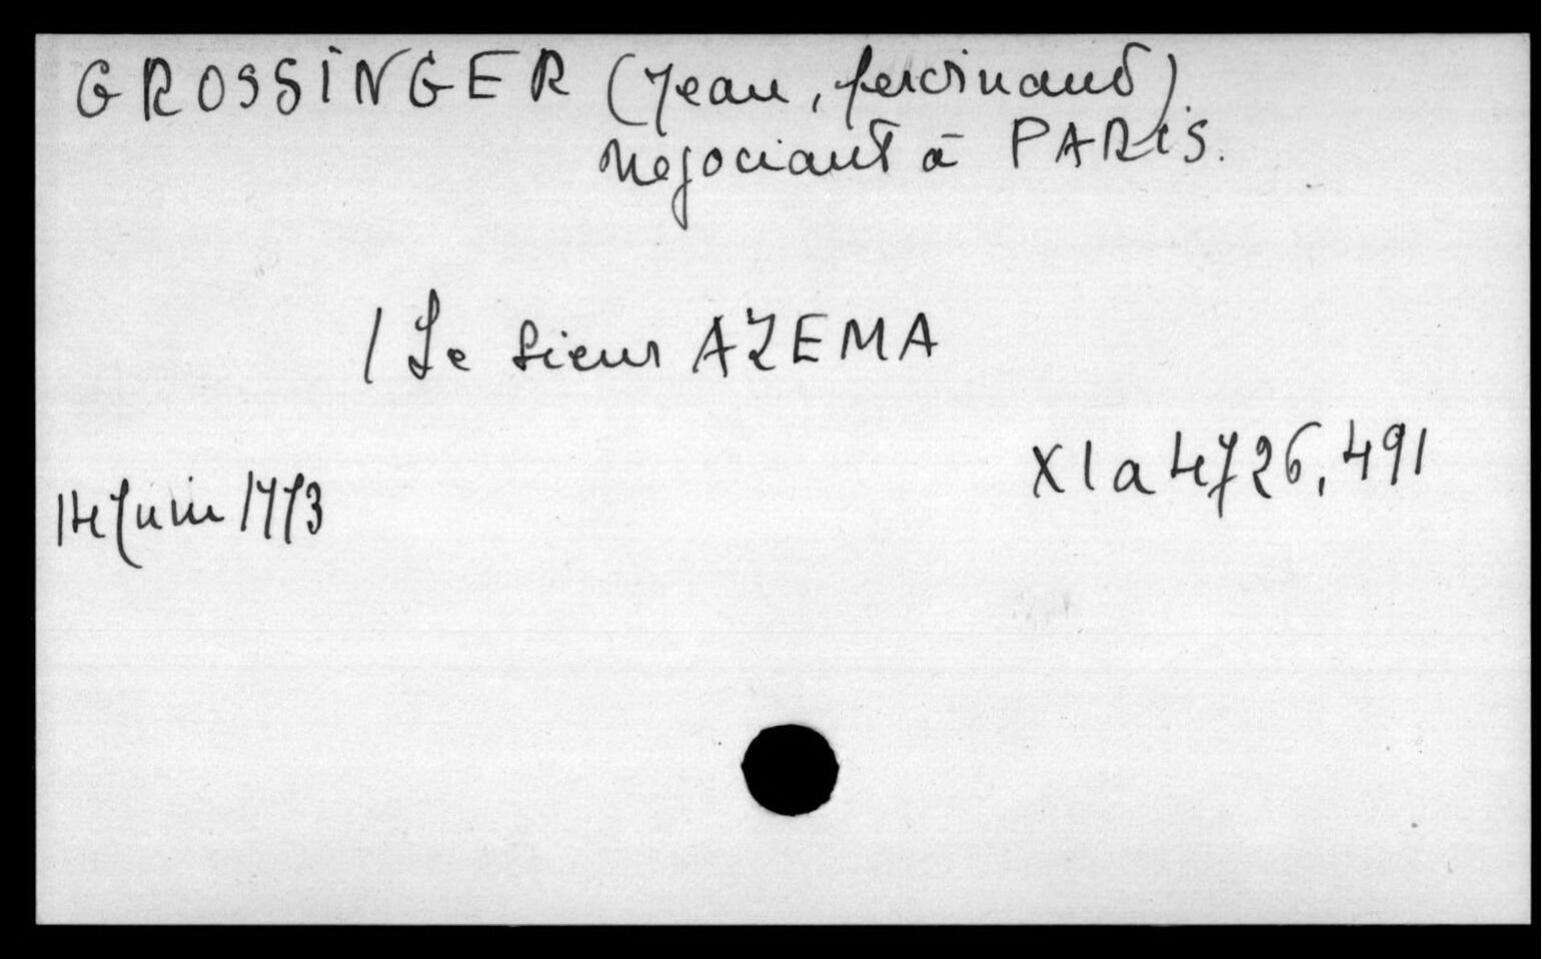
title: GROSSINGER (Jean Ferdinand), négociant à Paris
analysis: Contre le sieur AZEMA
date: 14 juin 1773
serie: X1a
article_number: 4726
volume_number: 491
